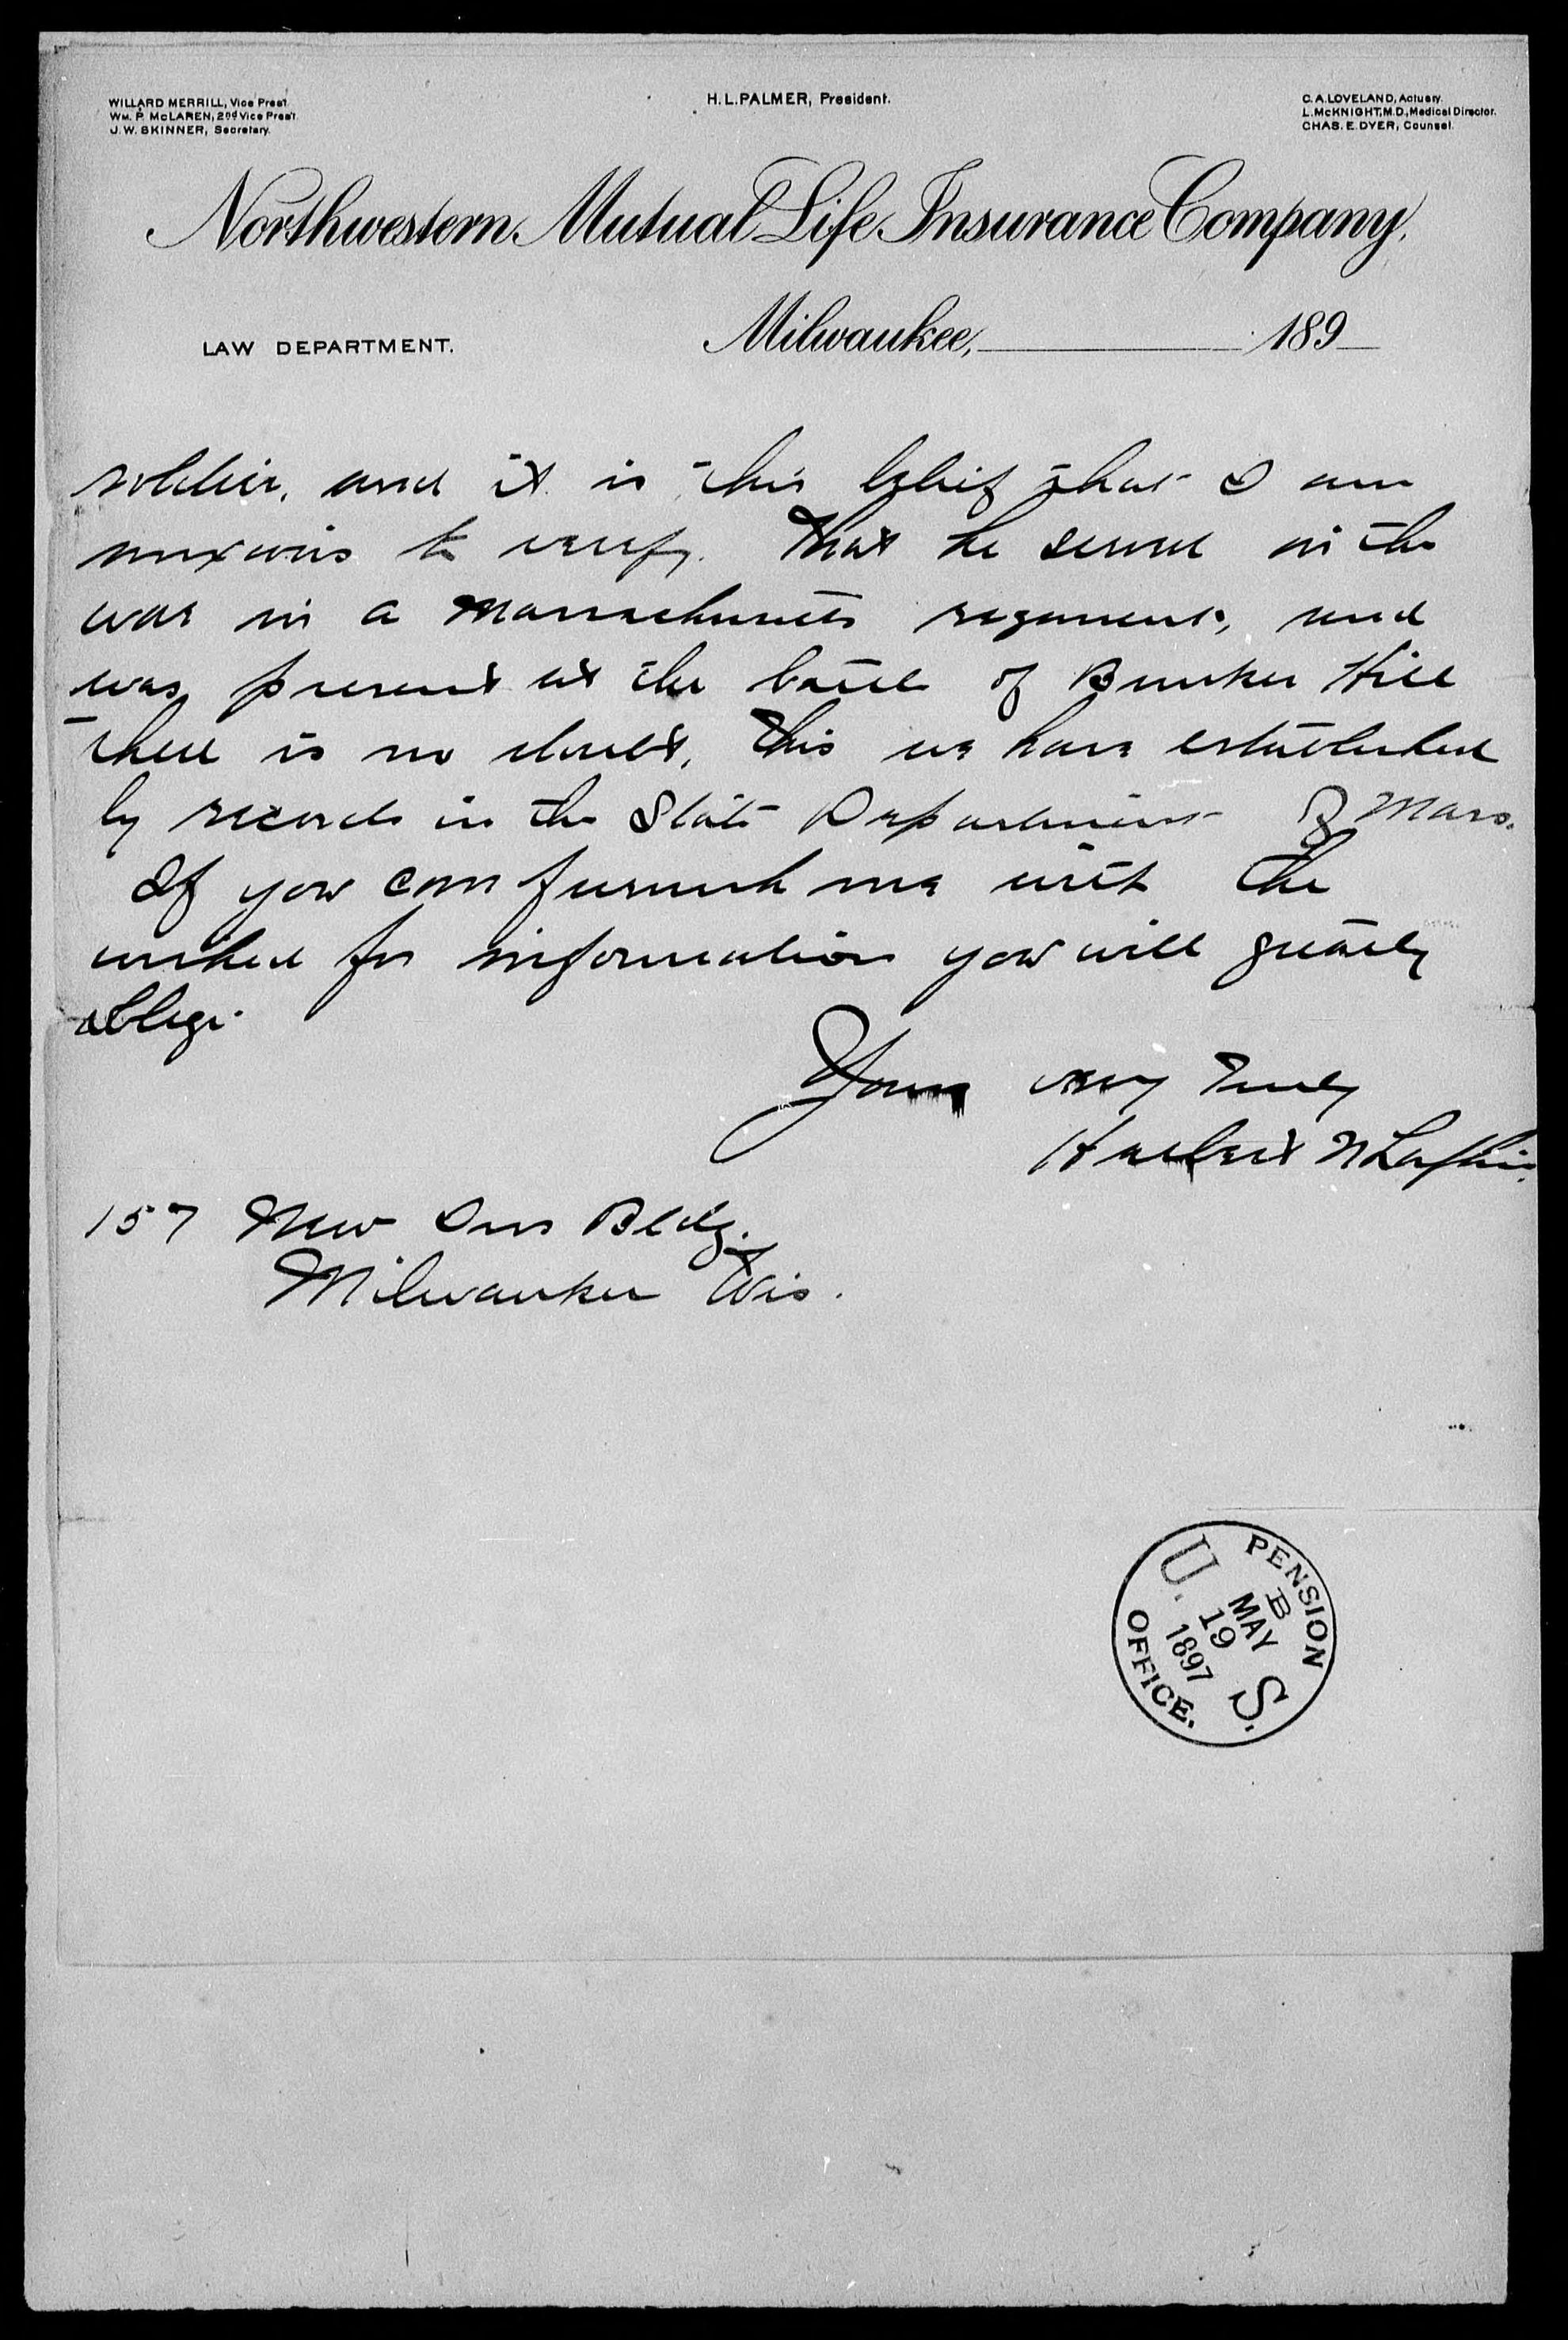WILLARD MERRILL, Vice Pres't.
Wm. P. McLAREN, 2nd Vice Pres't
J. W. SKINNER, Secretary.

H. L. PALMER, President.

C.A.LOVELAND, Actuary
L. McKNIGHT, MD, Medical Director
CHAS. E. DYER, Counsel

Northwestern Mutual Life Insurance Company
Law Department
Milwaukee 189__

soldier and it is this belief that I am anxious to verify.  That he served in the war in a Massachusetts regiment and was present at the battle of Bunker Hill there is no doubt, this has been established by records in the State Dep. archives of Mass.
If you can furnish me with the wished for information you will greatly oblige.
Yours very truly
[signed]  Herbert N. Laflin

157 New [?] Bldg.
Milwaukee Wis.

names: Herbert N Laflin, Chas E Dyer, C A Loveland, Wm R Mc Laren, Willard Merrill, H L Palmer, J W Skinner, L Mc Knight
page: 30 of 43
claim: widow's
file: W 683, John Daniels, Continental Mass. N.H.